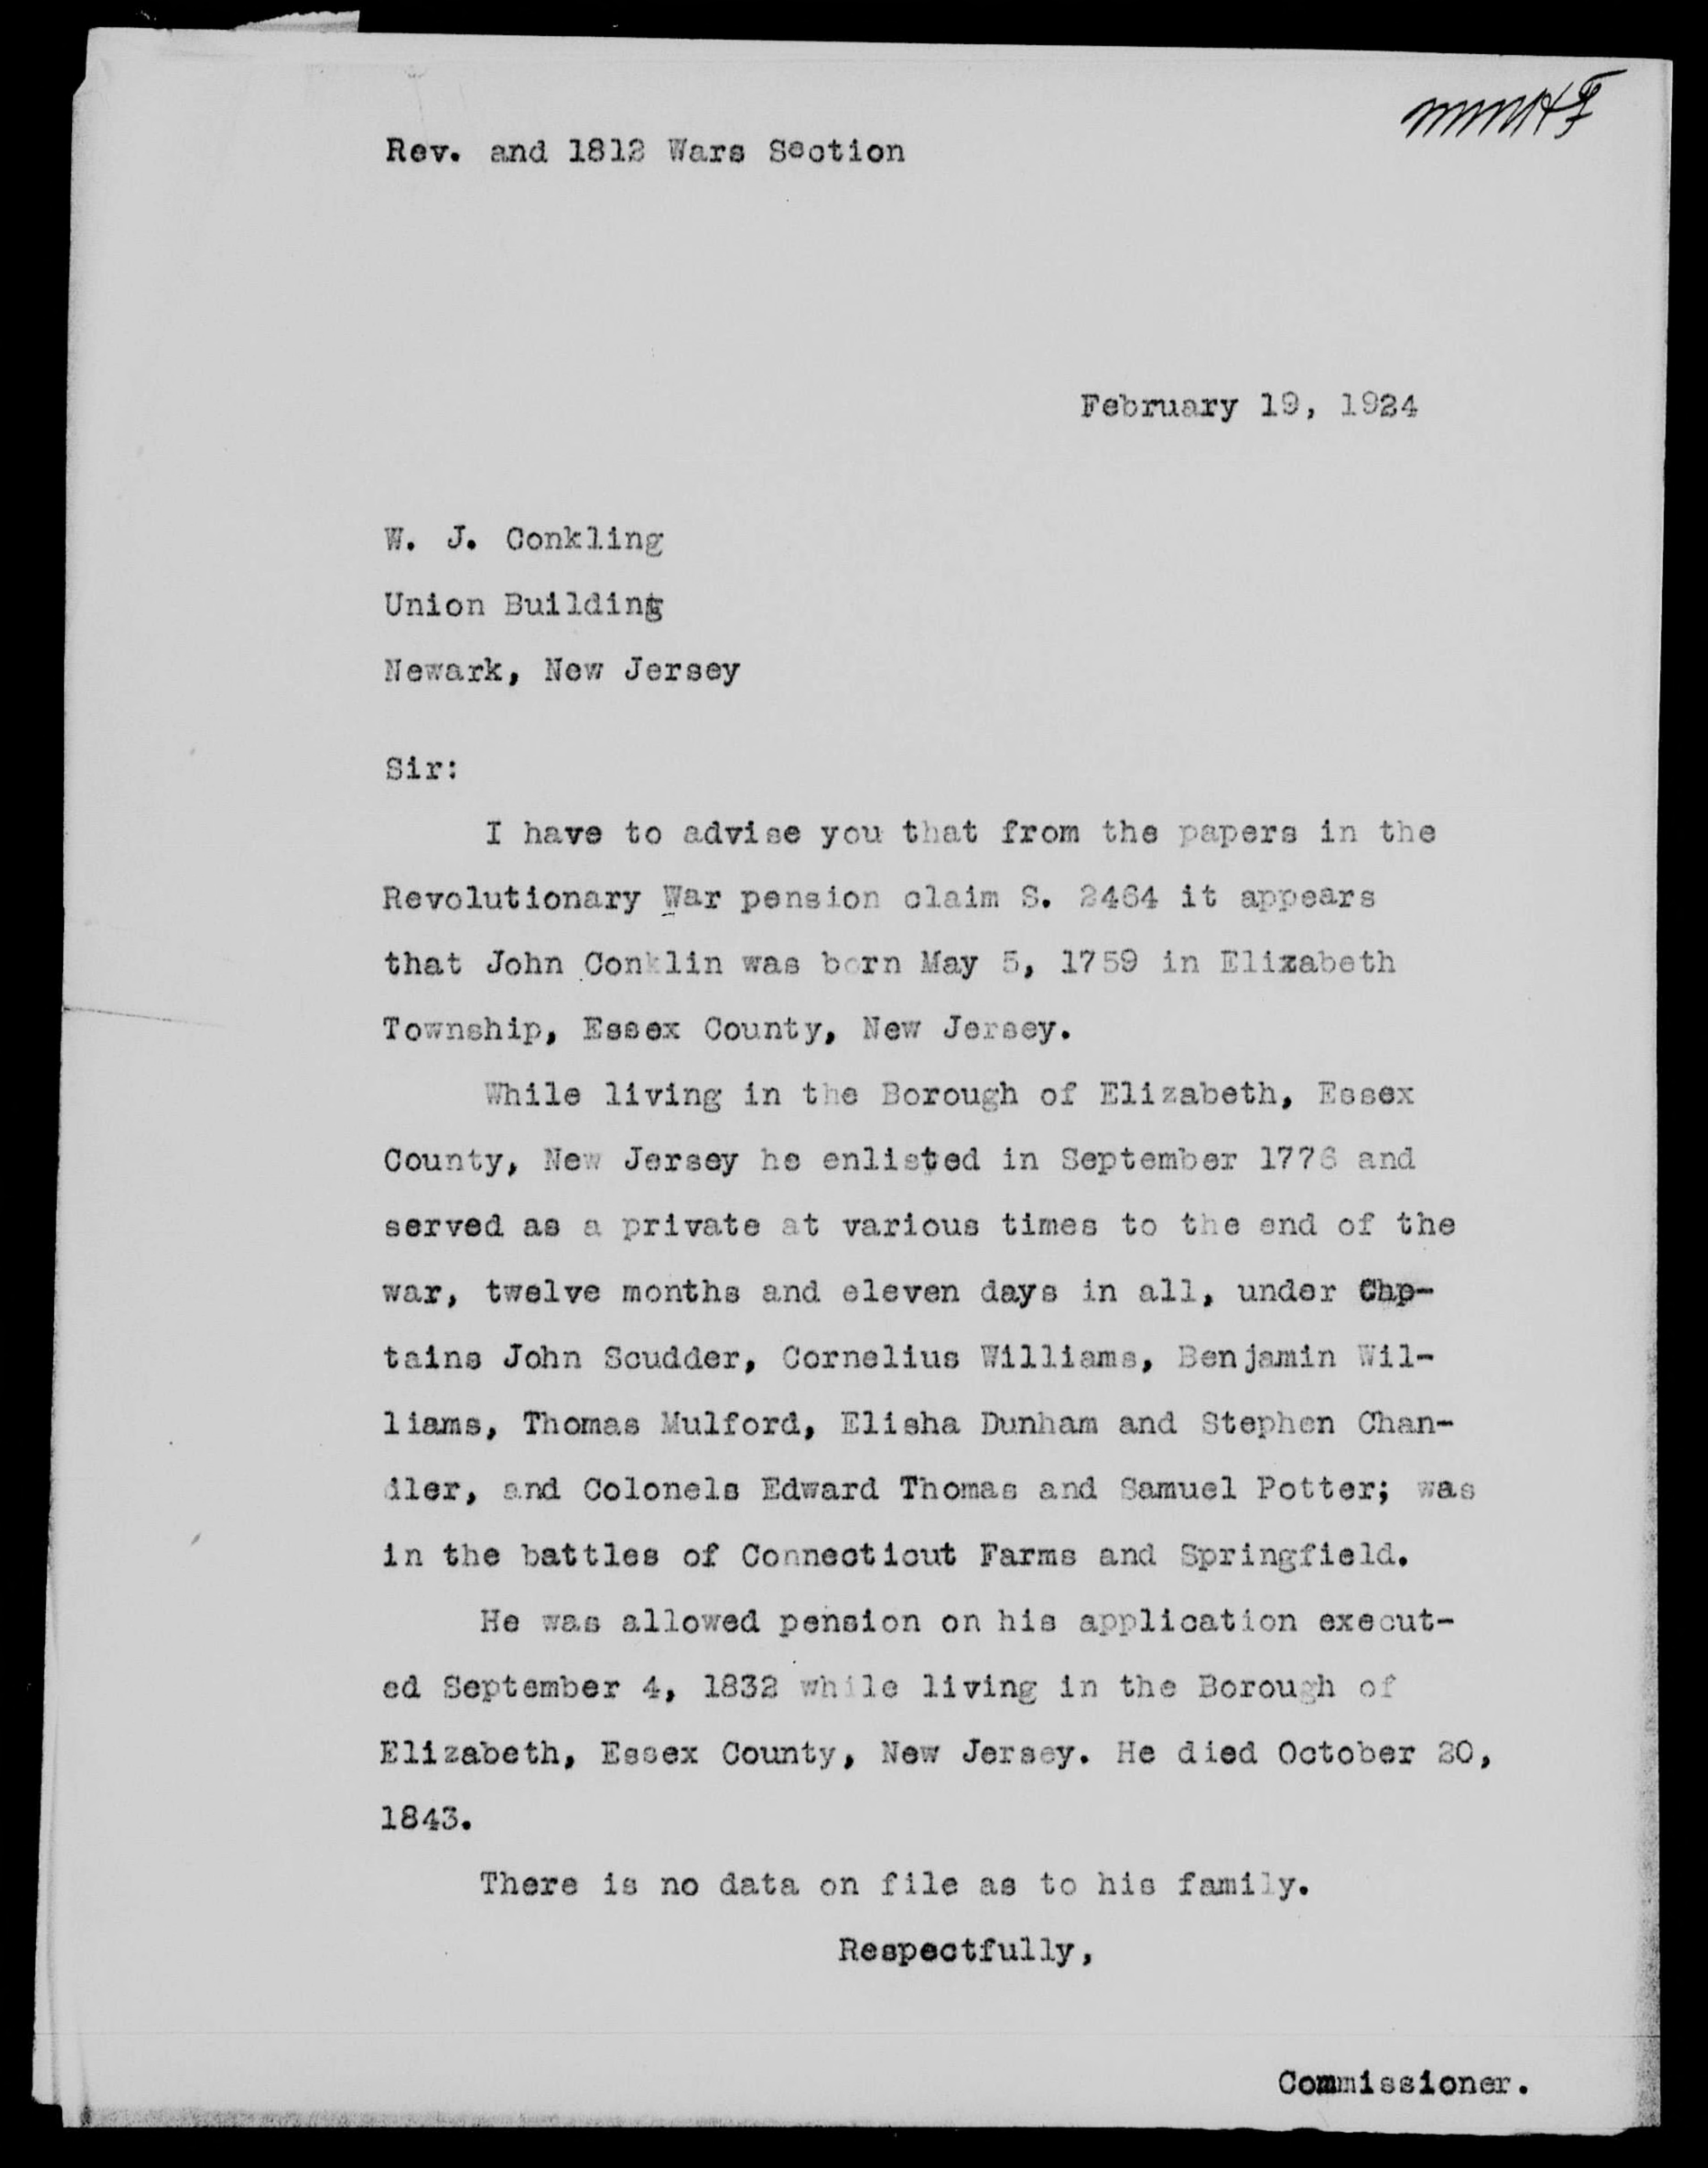Rev. and 1812 Wars Section

February 19, 1924

W. J. Conkling
Union Building
Newark, New Jersey

Sir:
I have to advise you that from the papers in the
Revolutionary War pension claim S. 2464 it appears
that John Conklin was born May 5, 1759 in Elizabeth
Township, Essex County, New Jersey.
While living in the Borough of Elizabeth, Essex
County, New Jersey he enlisted in September 1776 and
served as a private at various times to the end of the
war, twelve months and eleven days in all, under Captains John Scudder, Cornelius Williams, Benjamin Williams,
Thomas Mulford, Elisha Dunham and Stephen Chandler,
and Colonels Edward Thomas and Samuel Potter; was
in the battles of Connecticut Farms and Springfield.
He was allowed pension on his application executed
September 4, 1832 while living in the Borough of
Elizabeth, Essex County, New Jersey.  He died October 20, 1843.
There is no data of file as to his family.
Respectfully,
Commissioner.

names: John Conklin, Stephen Chandler, John Scudder, W J Conkling, Cornelius Williams, Elisha Dunham, Edward Thomas, Benjamin Williams, Samuel Potter, Thomas Mulford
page: 13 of 28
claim: survivor's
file: S 2464, John Conklin, New Jersey